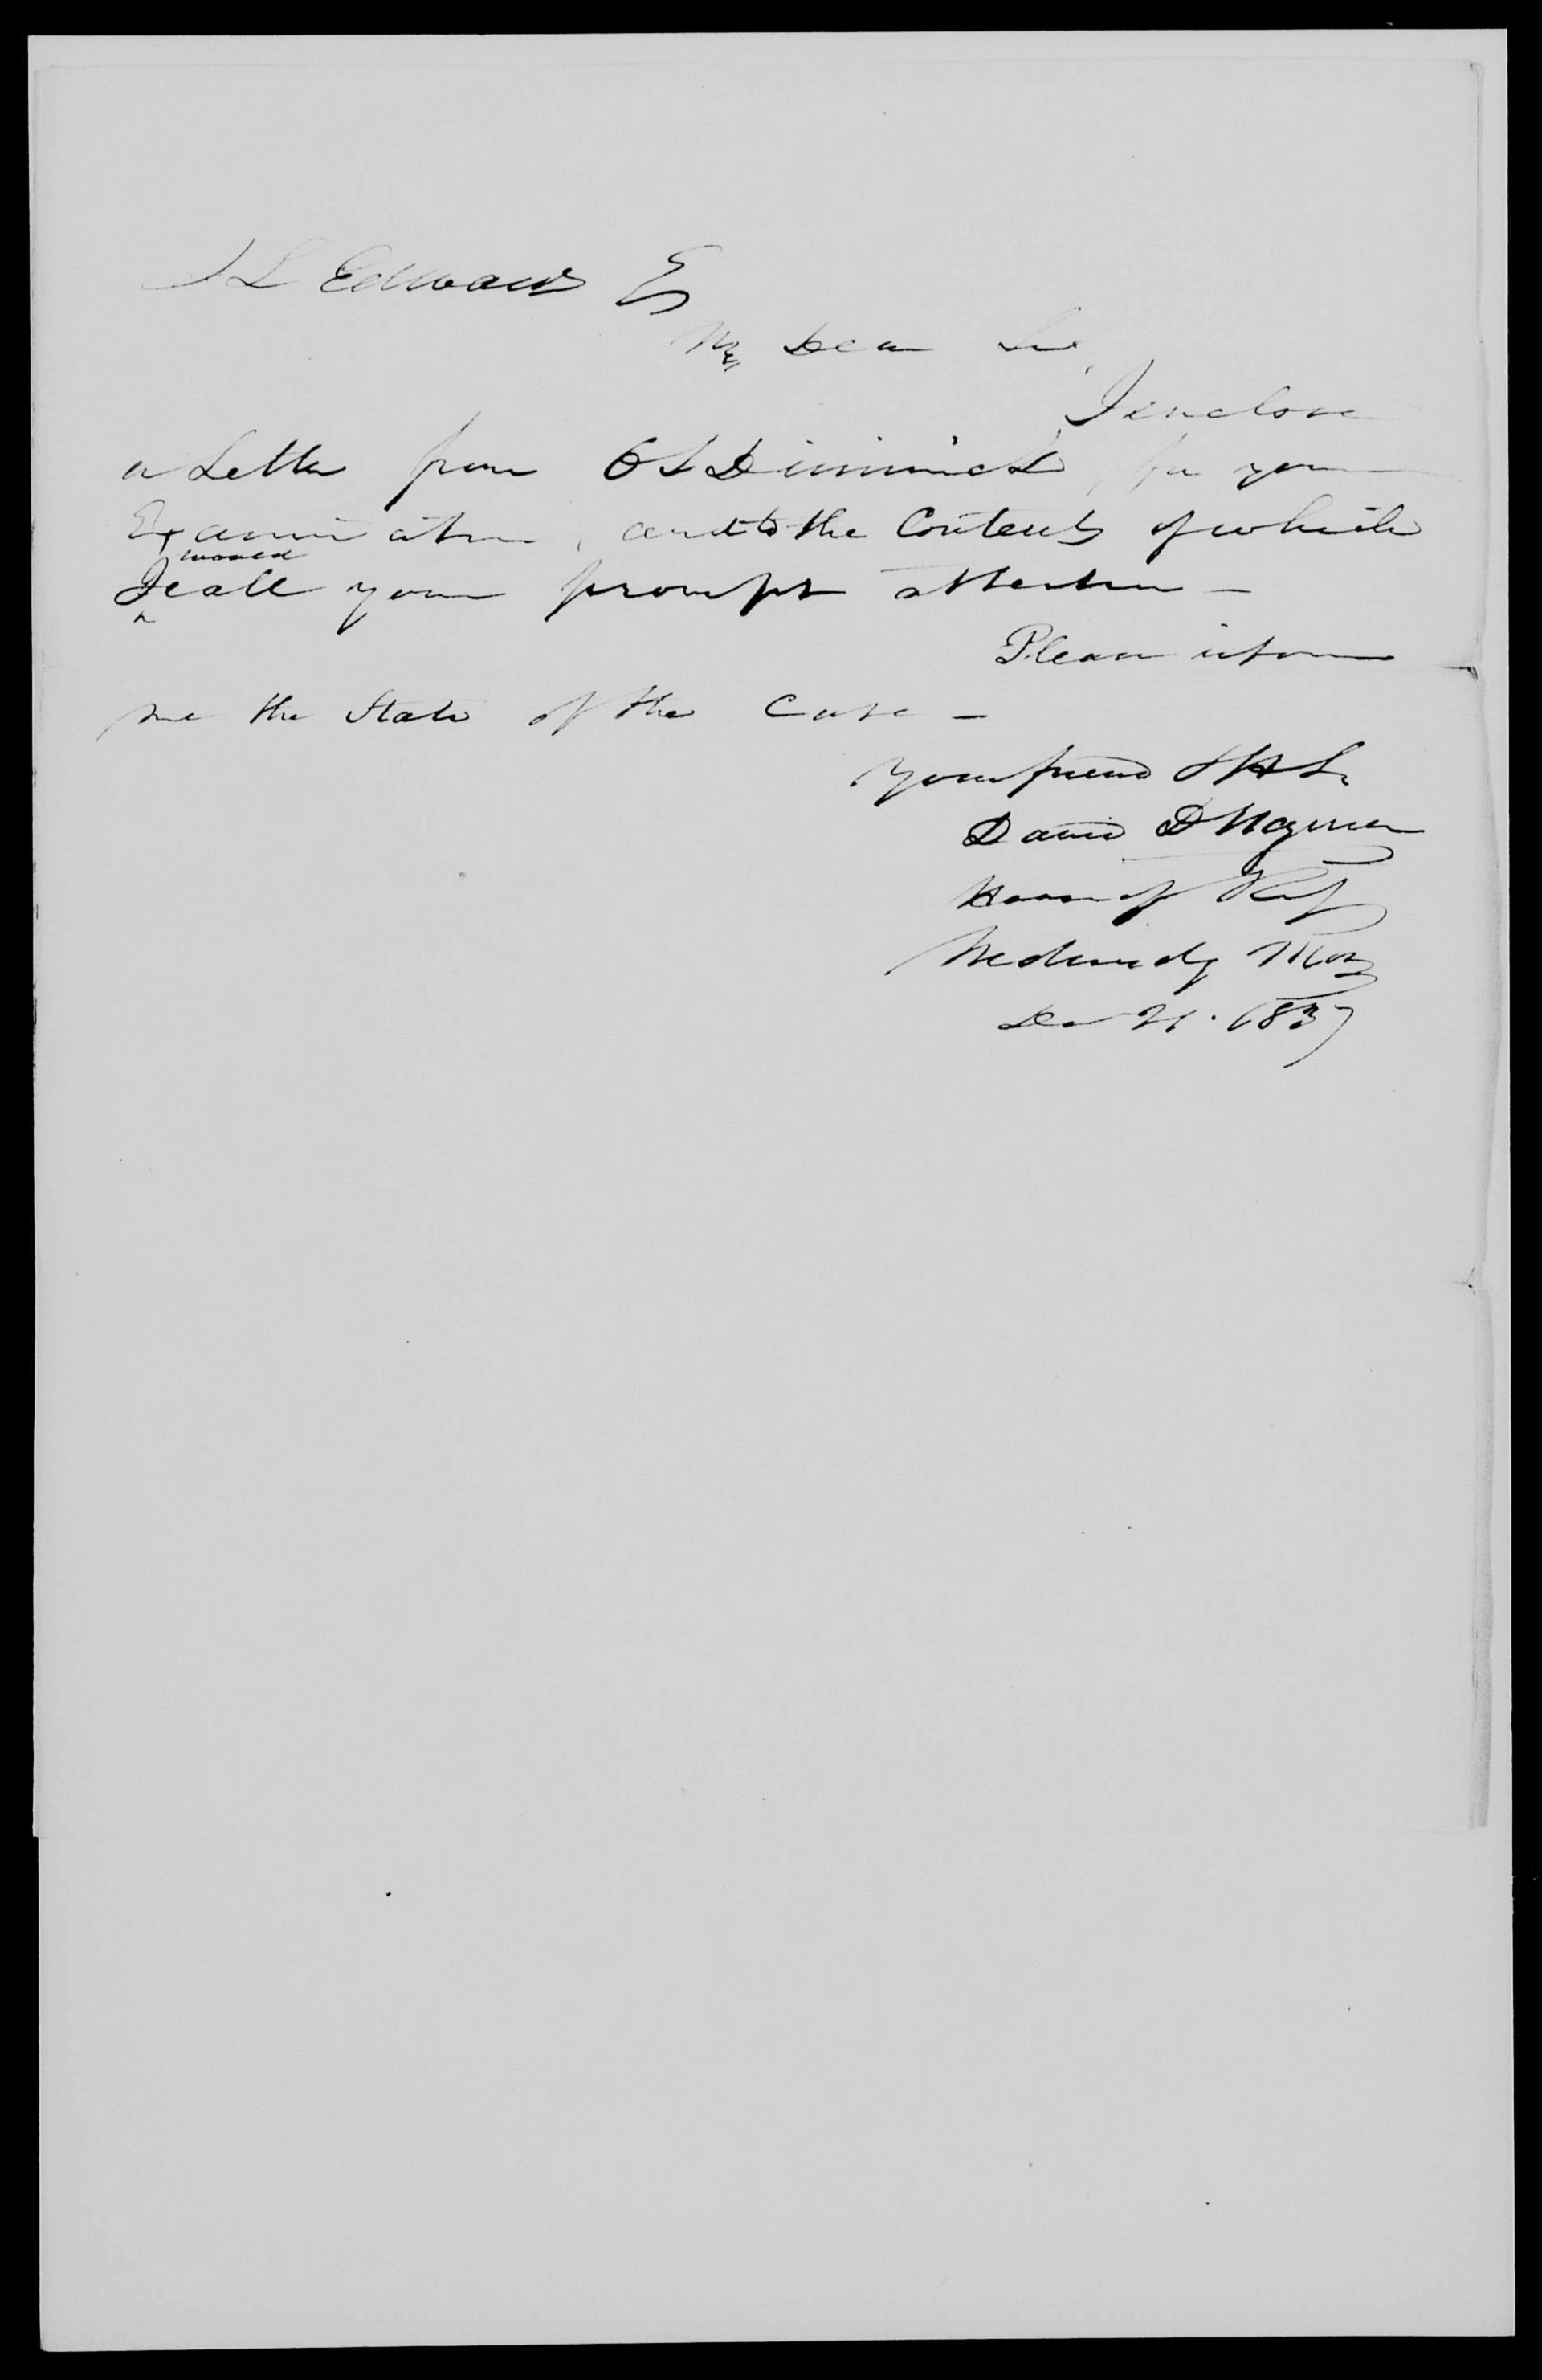J L Edward
My Dear Sir
I enclosed a Letter from O S Dimmick for your
Examinate and to its contents.
I call your prompt attention
Please inform me
 the State of the case
your friend L.
David D Hague
Dec 21. 1837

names: David D Wagener, O S Dimmick, J L Edwards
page: 49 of 79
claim: widow's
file: W. 2,906, Stephen Bennet, Conn.